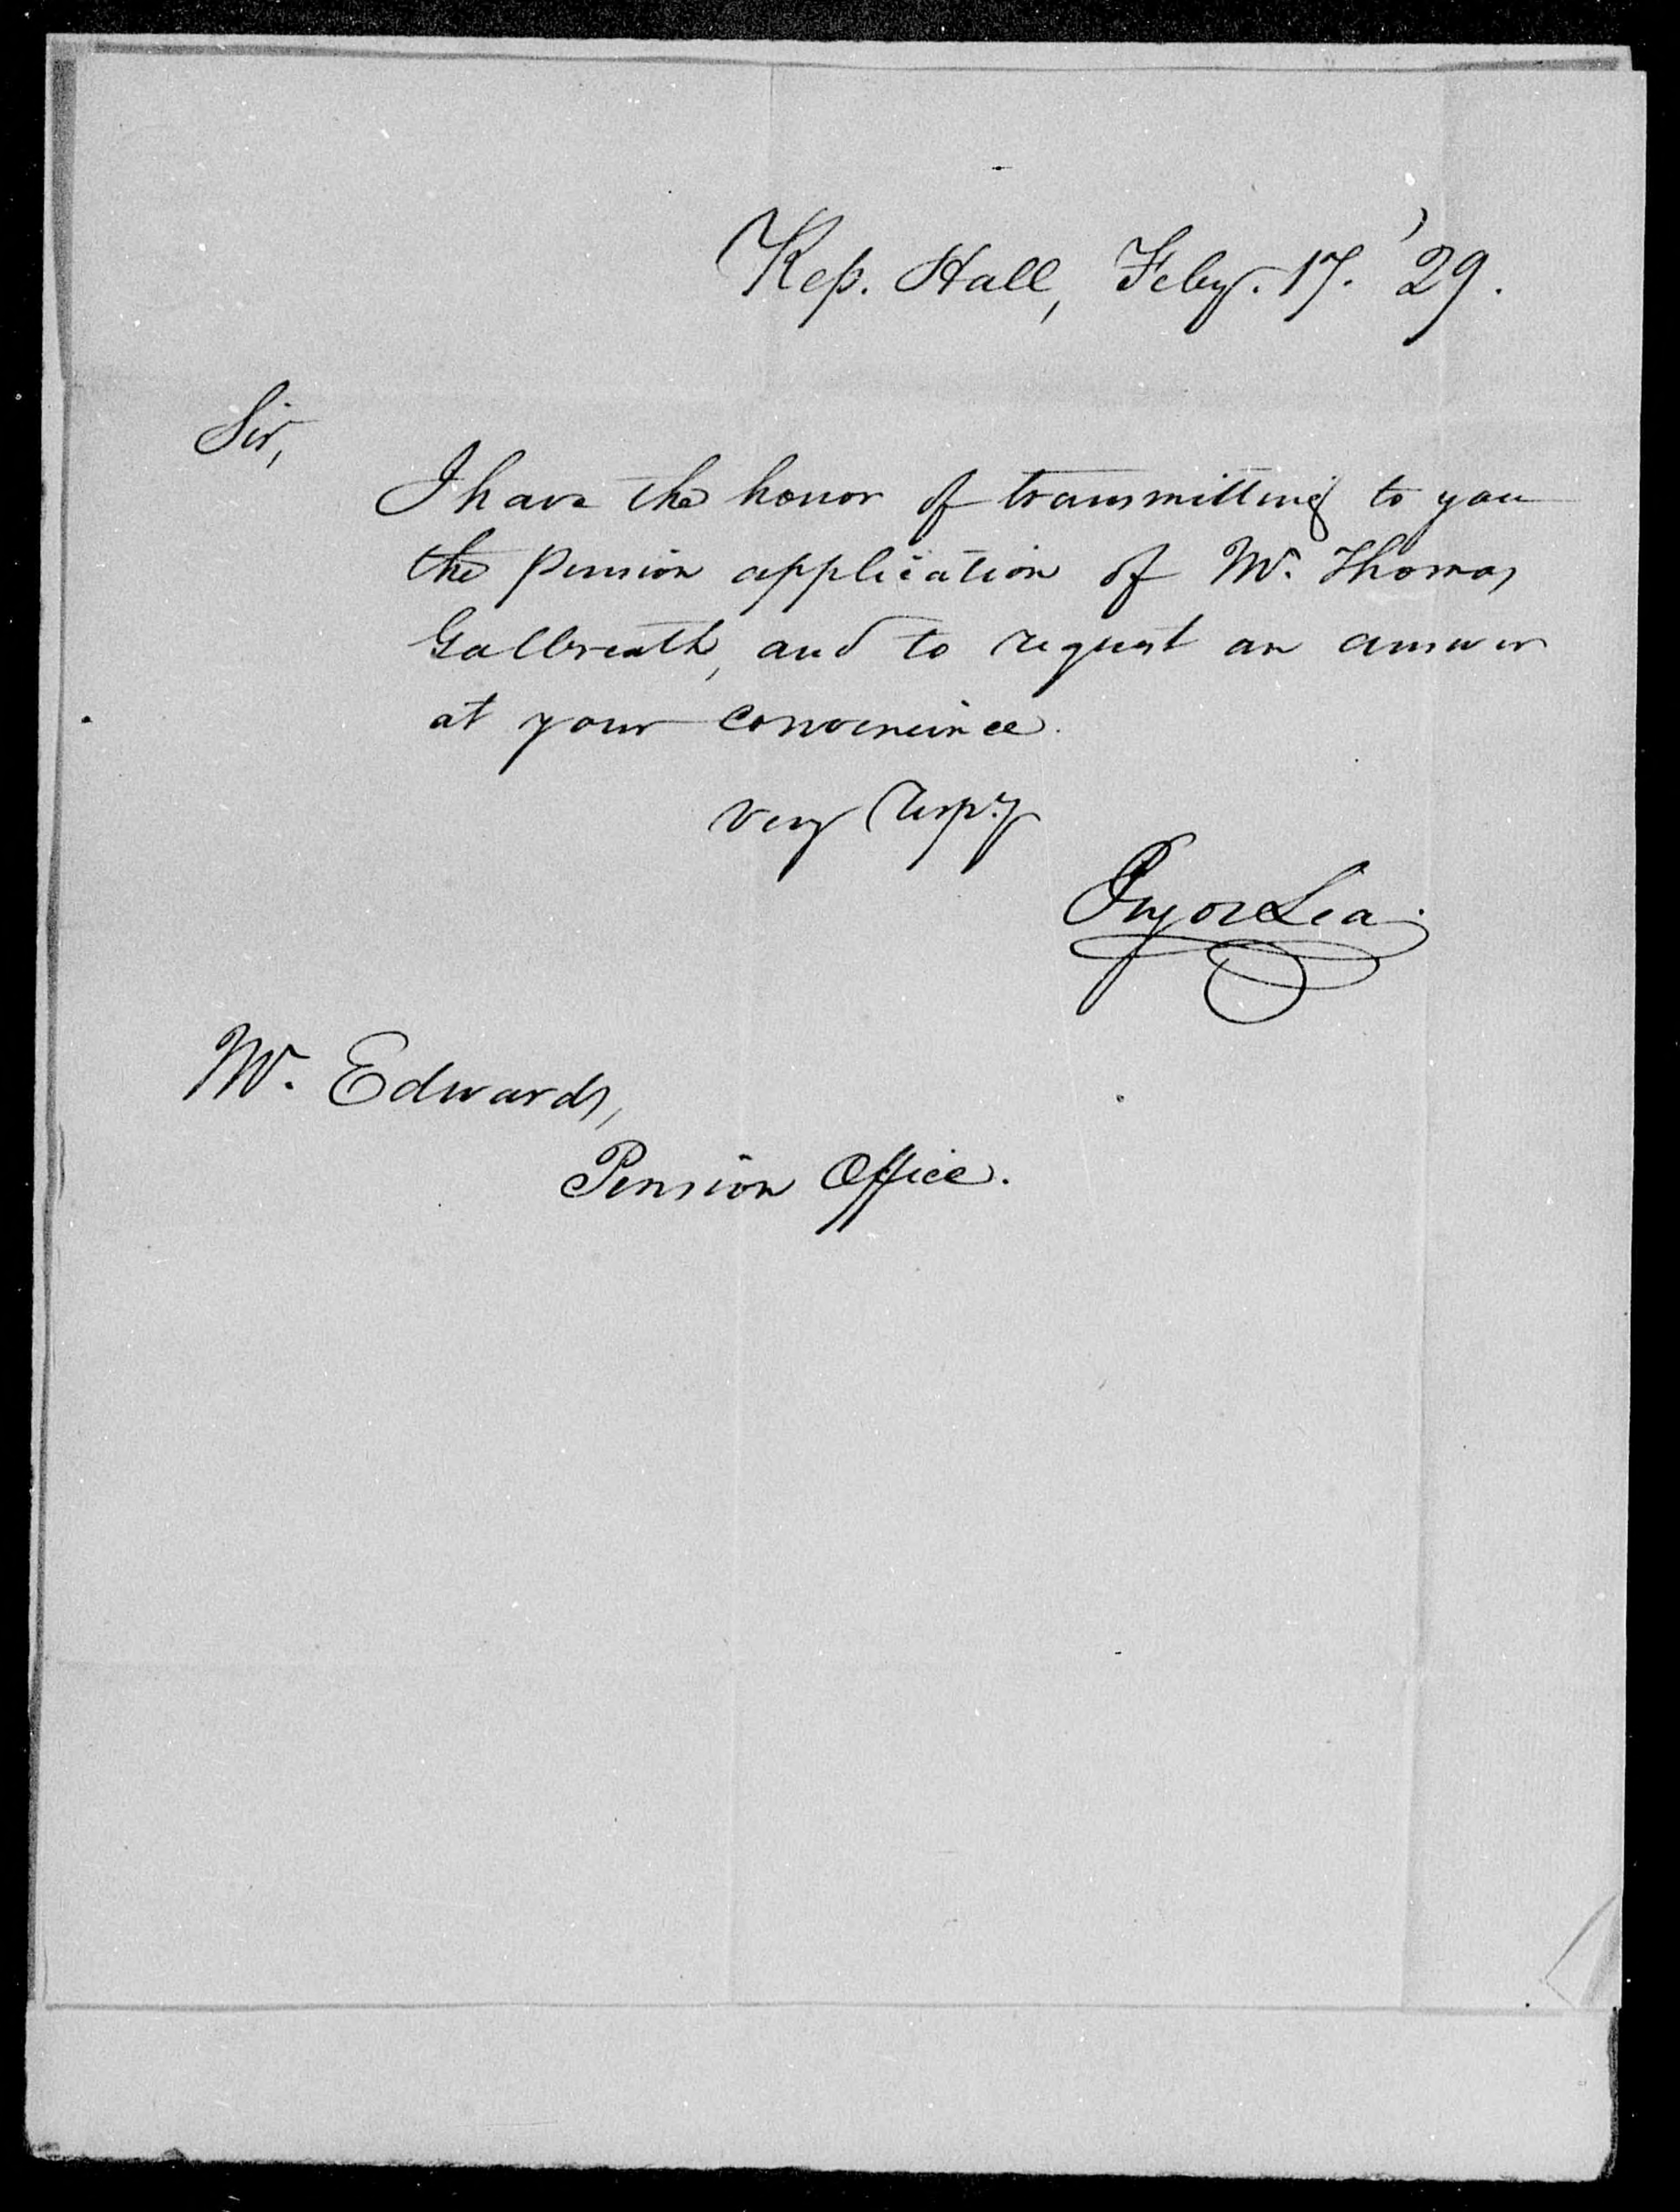Rep Hall, Feby. 17. '29
Sir,
I have the honor of transmitting to you
the pension application of Mr Thomas
Galbreath and to request an answer
at your convenience
Very Respy
Pryor Lea

Mr. Edwards
Pension Office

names: Thomas Galbreath, Edwards, Pryor Lea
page: 17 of 24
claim: survivor's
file: S. 38727, Thomas Gilbreath, Penn.